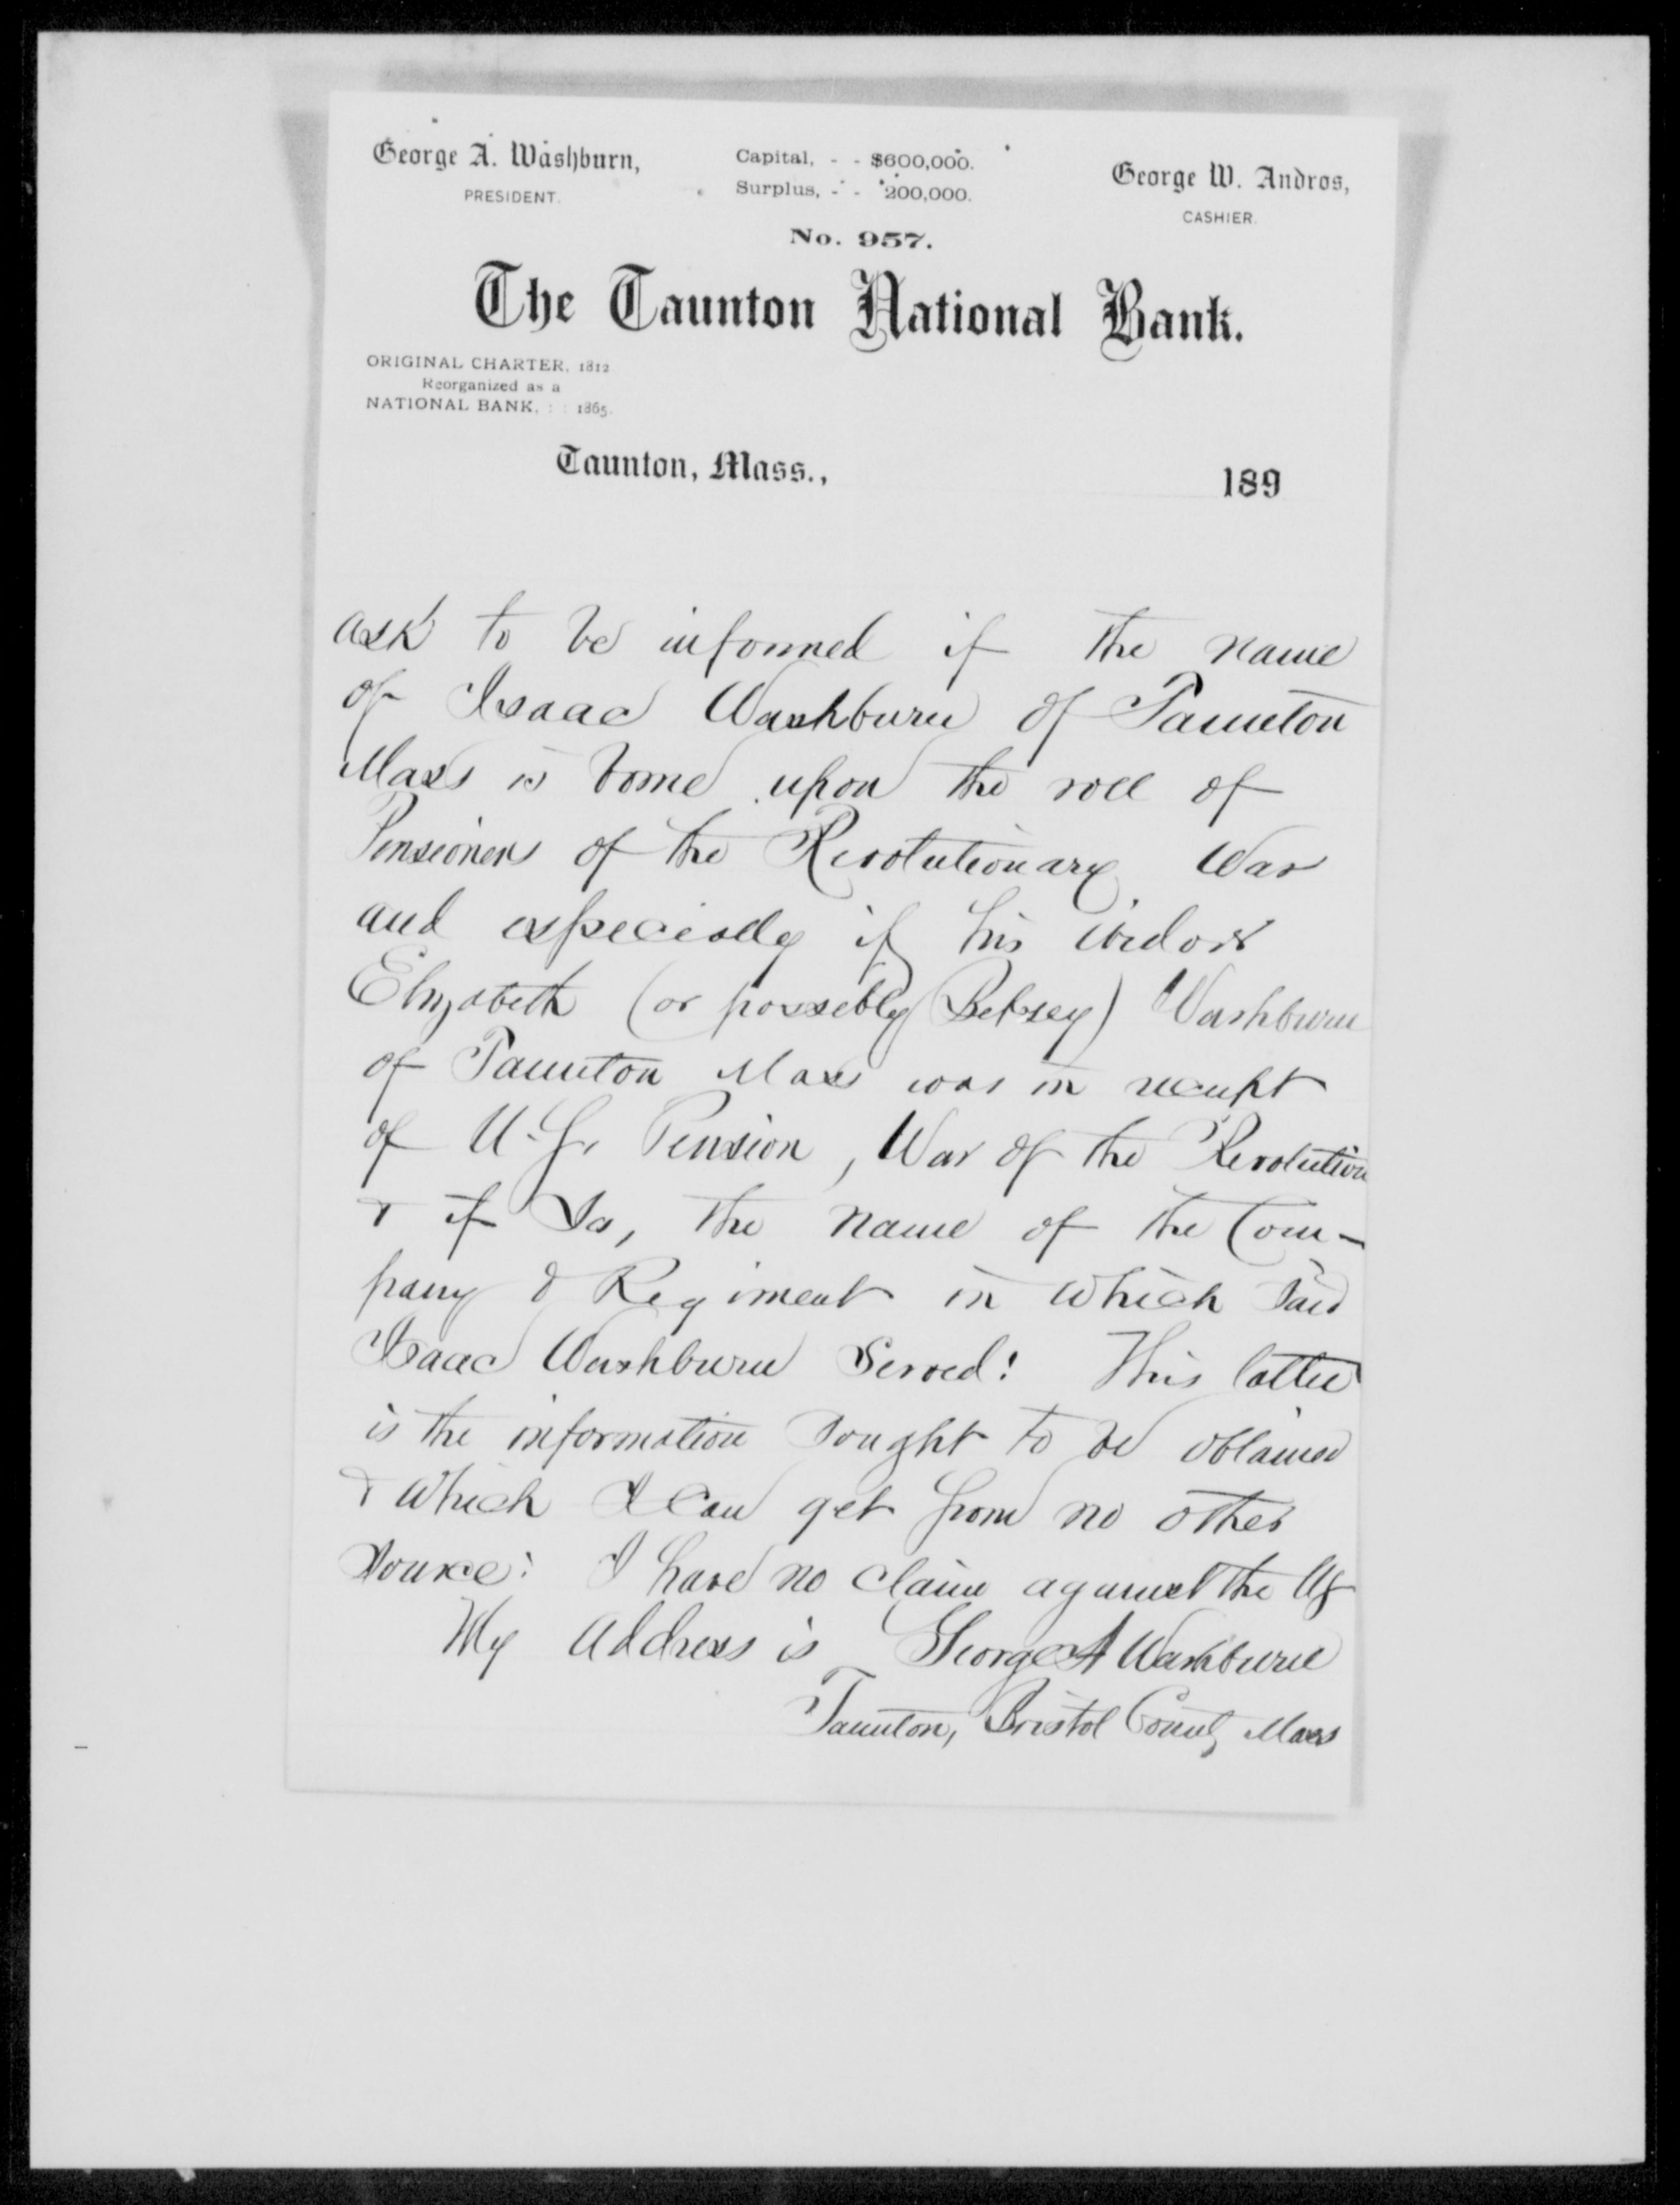George A. Washburn
      President 

Capital- - - $600,000.
Surplus- - -   200,000.

George W. Andros,
  Cashier

The Taunton National Bank.

Original Charter 1812
 Reorganized as a National Bank, : : 1865

Taunton, Mass.,                            189

ask to be informed if the name of Isaac Washburn of Taunton Mass is borne upon the roll of Pensioners of the Revolutionary War and especially if his widow Elizabeth (or possibly Betsey) Washburn of Taunton Mas was in receipt of U. S. Pension, War of the Revolution & if so  the name of the Company & Regiment in which said Isaac Washburn served: This latter is the information bought to be obtained & which I can herr from no other source: 
  I have no claim against the US
    
  My address is George A Washburn
     Taunton, Bristol County Mass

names: Betsey Washburn, George W Andros, George A Washburn, Elizabeth Washburn, Isaac Washburn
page: 23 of 34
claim: widow's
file: W. 1677, Isaac Washburn, Mass.